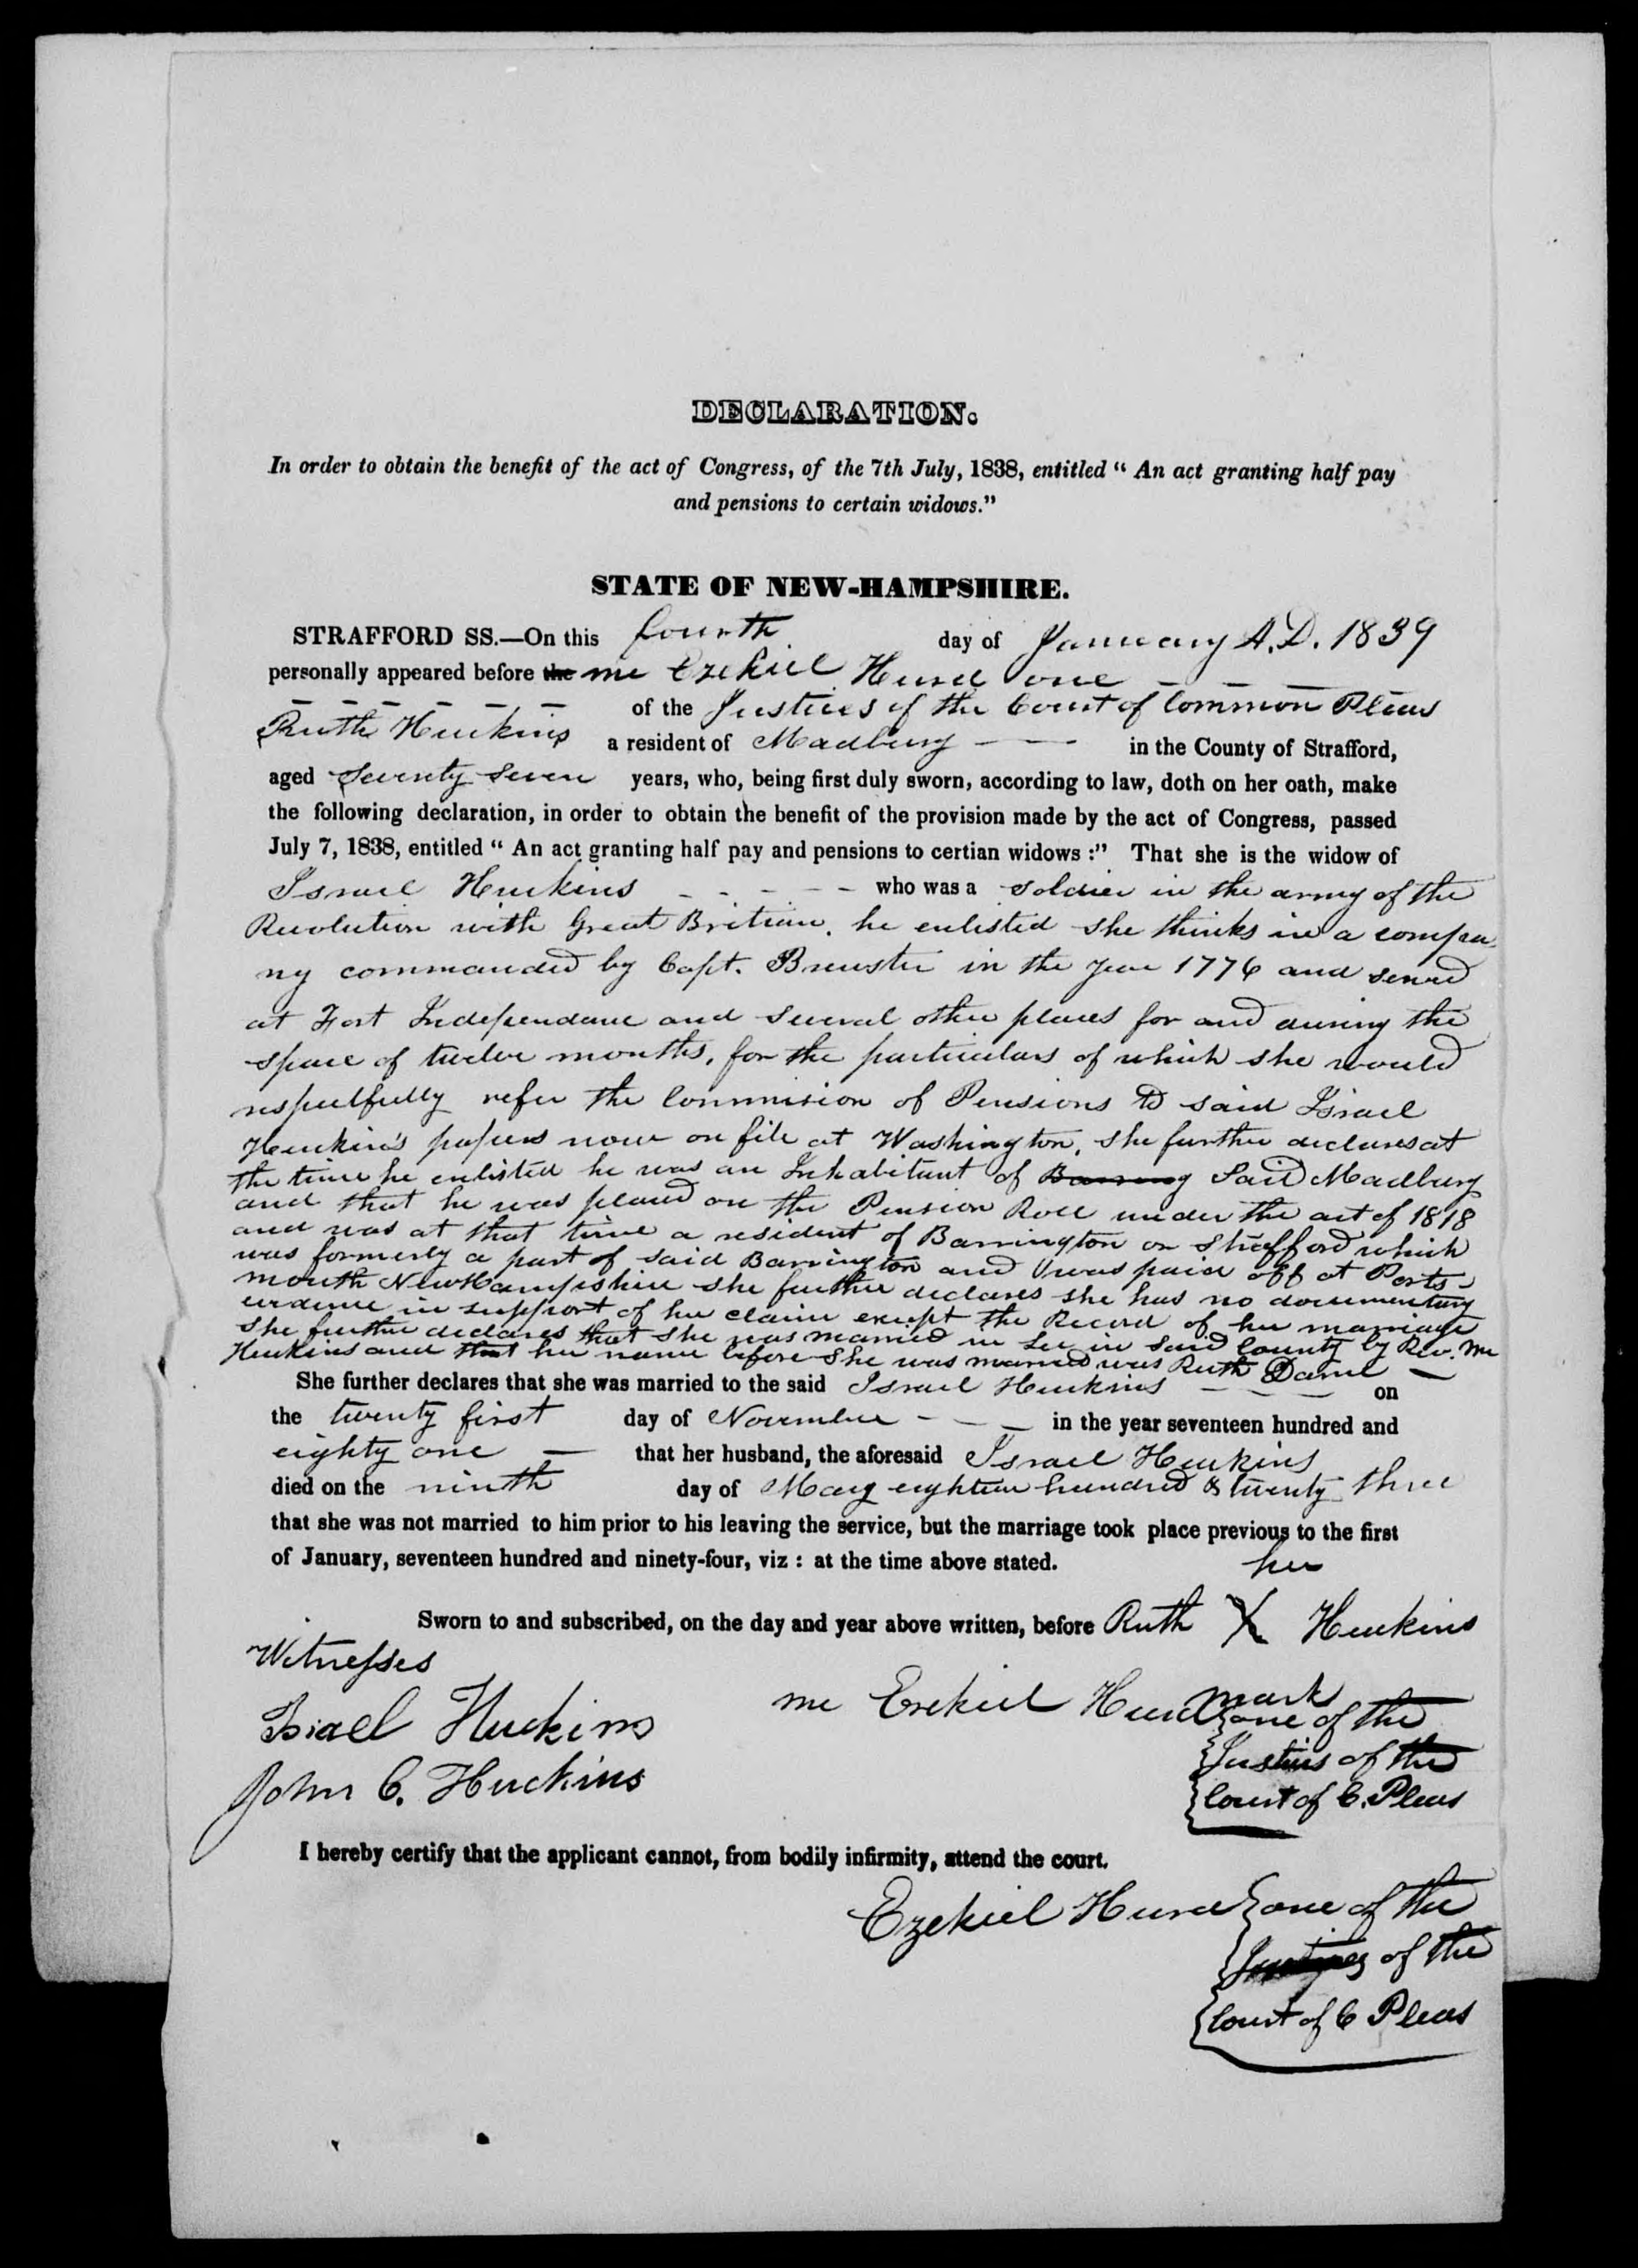DECLARATION. In order to obtain the benefit of the act of Congress, of the 7th July, 1838, entitled "An act granting half pay and pensions to certain widows."
STATE OF NEW-HAMPSHIRE.

STRAFFORD SS.—On this fourth day of January, A.D. 1839, personally appeared before me Ezekiel Hurd, one of the Justices of the Court of Common Pleas, Ruth Huckins, a resident of Madbury in the County of Strafford, aged seventy years, who, being first duly sworn, according to law, doth on her oath, make the following declaration, in order to obtain the benefit of the provision made by the act of Congress, passed July 7, 1838, entitled "An act granting half pay and pensions to certain widows." That she is the widow of Israel Huckins who was a soldier in the army of the Revolution with Great Britain. He enlisted the United States troops at Fort Independence and served in the year 1776 and several years. He was in service three years for and during the space of twelve months, for the particulars of which she hereunto respectfully refers the Commissioner of Pensions to said Israel Huckins’s service on file at Washington. 

She further declares that she is now placed on the Pension Roll under the act of the 7th July, 1838, at the rate of forty dollars per annum. She further declares that she was married to the said Israel Huckins on the first day of November in the year seventeen hundred and eighty one; that her husband, the aforesaid Israel Huckins died on the ninth day of May eighteen hundred & thirty three; that she was not married to him prior to his leaving the service, but the marriage took place previous to the first of January, seventeen hundred and ninety-four, viz: at the time above stated.

Sworn to and subscribed, on the day and year above written, before Ruth Huckins
Witnesses: Israel Huckins John C. Huckins
I hereby certify that the applicant cannot, from bodily infirmity, attend the court. Ezekiel Hurd Judge of the Court of Common Pleas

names: Brewster, John C Huckins, Ruth Dame, Ruth Huckins, Israel Huckins, Ezekiel Hurd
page: 7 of 35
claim: widow's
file: W. 16127, Israel Huckins, N.H.